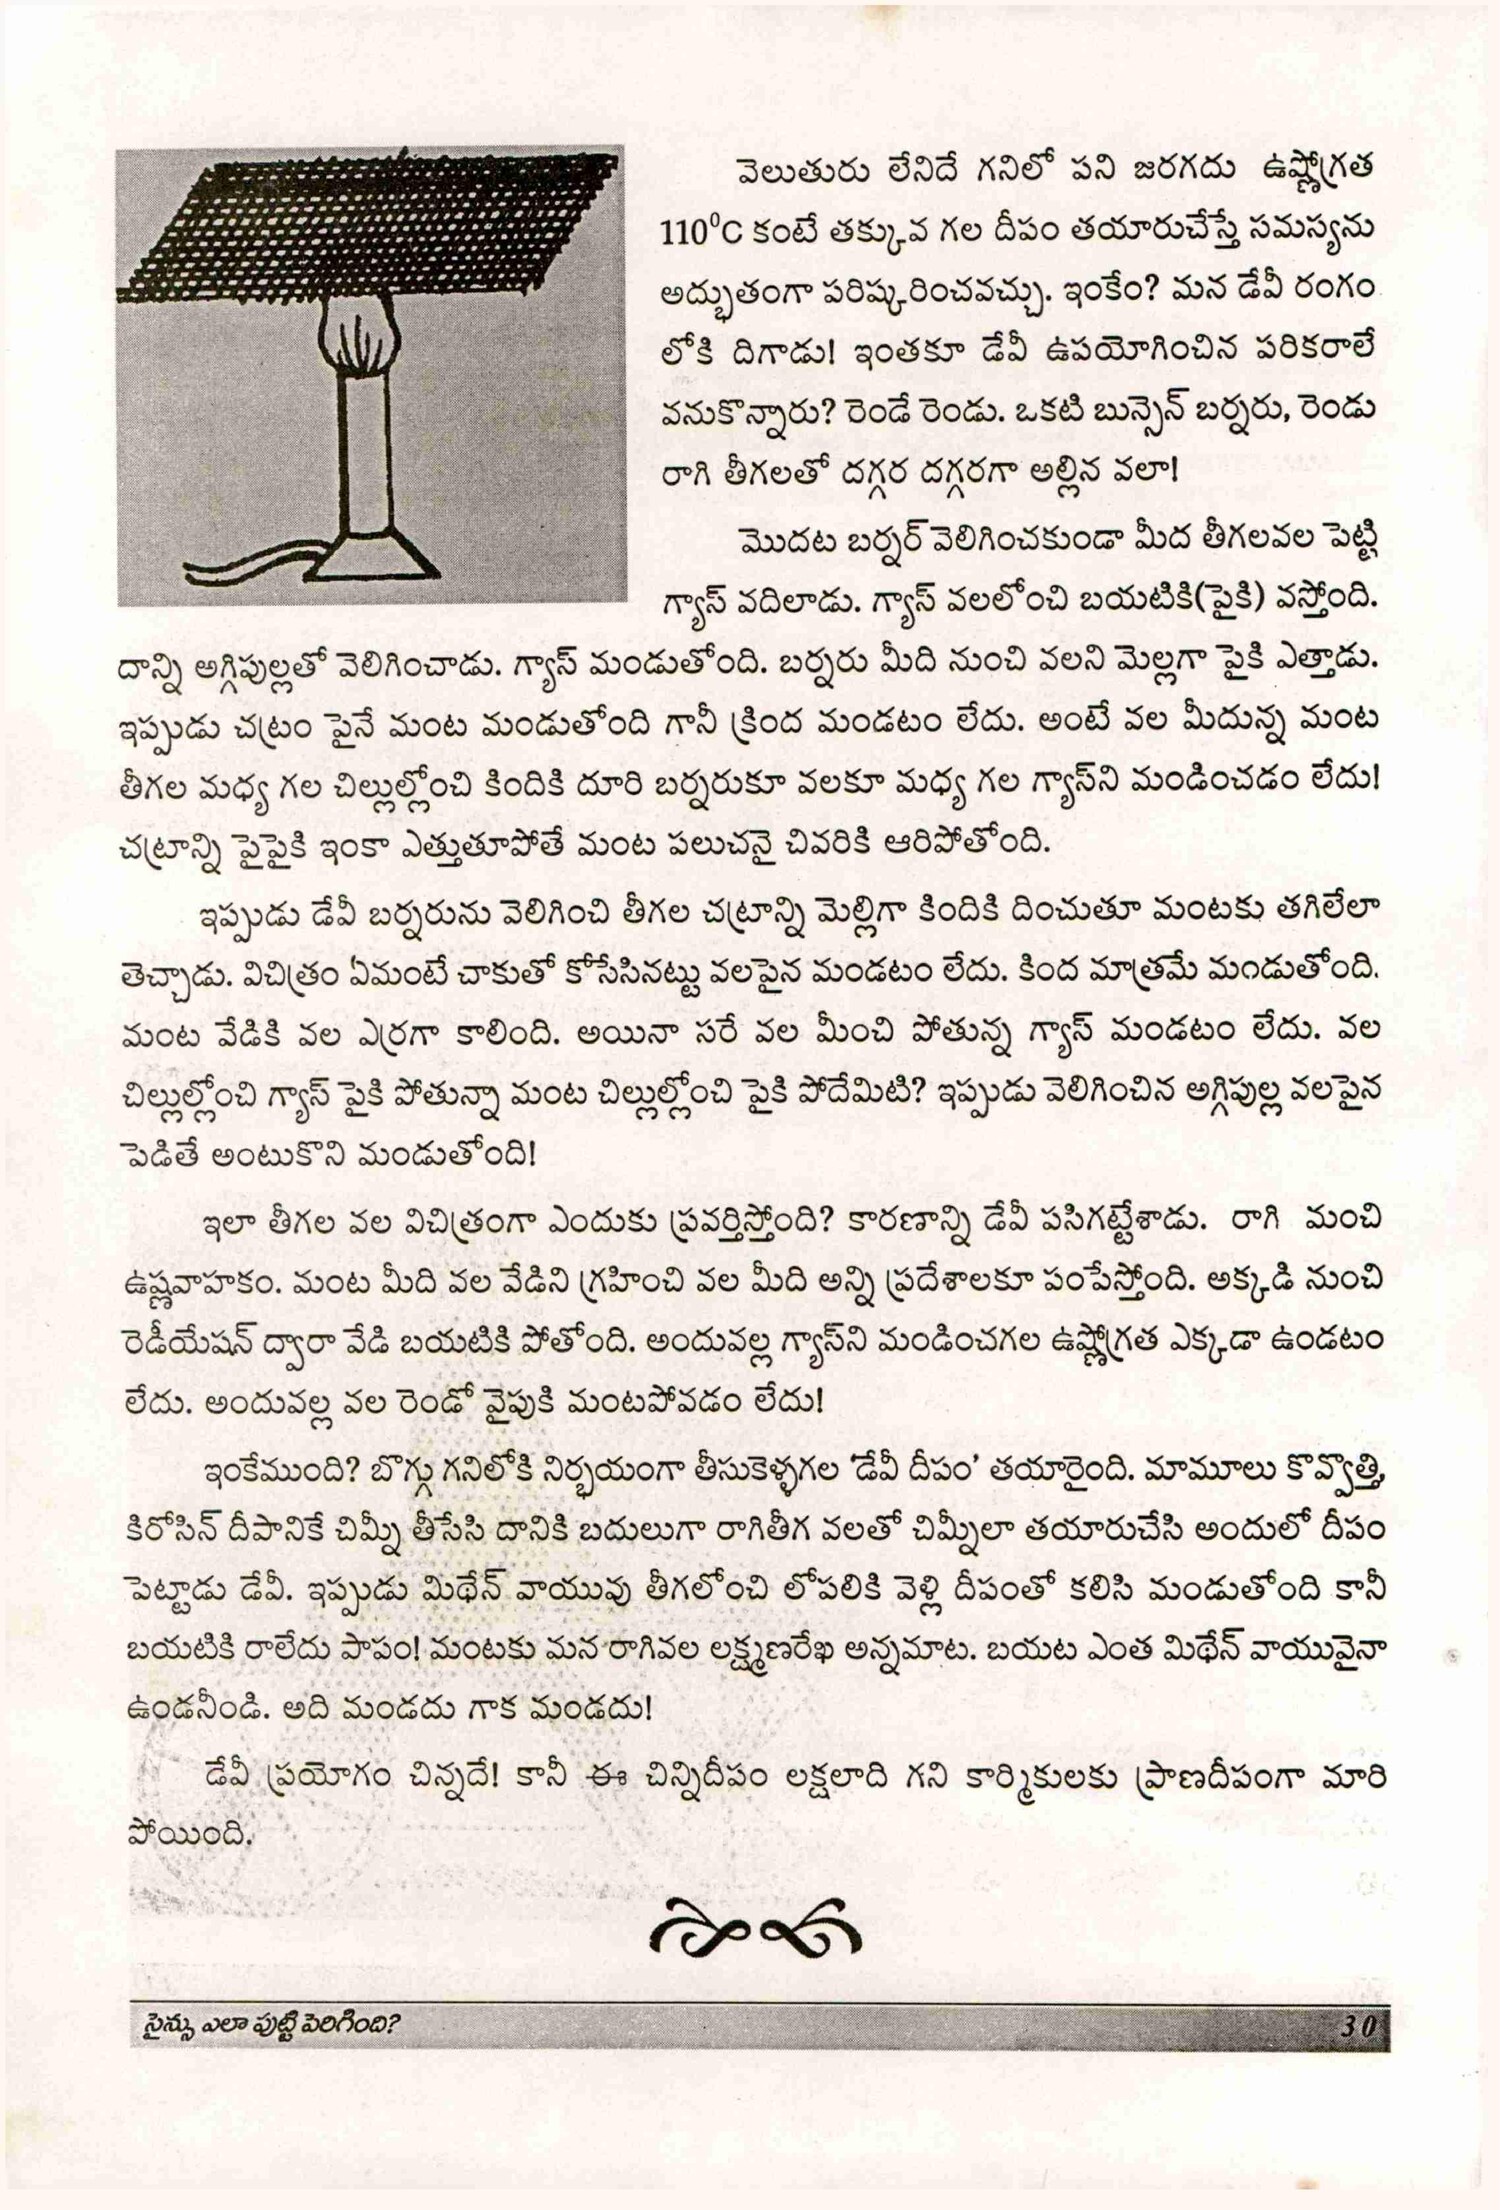వెలుతురు లేనిదే గనిలో పని జరగదు ఉష్ణోగ్రత 110°C కంటే తక్కువ గల దీపం తయారుచేస్తే సమస్యను అద్భుతంగా పరిష్కరించవచ్చు. ఇంకేం? మన డేవీ రంగంలోకి దిగాడు! ఇంతకూ డేవీ ఉపయోగించిన పరికరాలే
వనుకొన్నారు? రెండే రెండు. ఒకటి బున్సెన్ బర్నరు, రెండు రాగి తీగలతో దగ్గర దగ్గరగా అల్లిన వలా!

మొదట బర్నర్ వెలిగించకుండా మీద తీగలవల పెట్టి గ్యాస్ వదిలాడు. గ్యాస్ వలలోంచి బయటికి(పైకి) వస్తోంది.
దాన్ని అగ్గిపుల్లతో వెలిగించాడు. గ్యాస్ మండుతోంది. బర్నరు మీది నుంచి వలని మెల్లగా పైకి ఎత్తాడు. ఇప్పుడు చట్రం పైనే మంట మండుతోంది గానీ క్రింద మండటం లేదు. అంటే వల మీదున్న మంట తీగల మధ్య గల చిల్లుల్లోంచి కిందికి దూరి బర్నరుకూ వలకూ మధ్య గల గ్యాస్ని మండించడం లేదు! చట్రాన్ని పైపైకి ఇంకా ఎత్తుతూపోతే మంట పలుచనై చివరికి ఆరిపోతోంది.

ఇప్పుడు డేవీ బర్నరును వెలిగించి తీగల చట్రాన్ని మెల్లిగా కిందికి దించుతూ మంటకు తగిలేలా తెచ్చాడు. విచిత్రం ఏమంటే చాకుతో కోసేసినట్టు వలపైన మండటం లేదు. కింద మాత్రమే మండుతోంది. మంట వేడికి వల ఎర్రగా కాలింది. అయినా సరే వల మీంచి పోతున్న గ్యాస్ మండటం లేదు. వల చిల్లుల్లోంచి గ్యాస్ పైకి పోతున్నా మంట చిల్లుల్లోంచి పైకి పోదేమిటి? ఇప్పుడు వెలిగించిన అగ్గిపుల్ల వలపైన పెడితే అంటుకొని మండుతోంది!

ఇలా తీగల వల విచిత్రంగా ఎందుకు ప్రవర్తిస్తోంది? కారణాన్ని డేవీ పసిగట్టేశాడు. రాగి మంచి ఉష్ణవాహకం. మంట మీది వల వేడిని గ్రహించి వల మీది అన్ని ప్రదేశాలకూ పంపేస్తోంది. అక్కడి నుంచి రెడీయేషన్ ద్వారా వేడి బయటికి పోతోంది. అందువల్ల గ్యాస్‌ని మండించగల ఉష్ణోగ్రత ఎక్కడా ఉండటం లేదు. అందువల్ల వల రెండో వైపుకి మంటపోవడం లేదు!

ఇంకేముంది? బొగ్గు గనిలోకి నిర్భయంగా తీసుకెళ్ళగల 'డేవీ దీపం' తయారైంది. మామూలు కొవ్వొత్తి, కిరోసిన్ దీపానికే చిమ్నీ తీసేసి దానికి బదులుగా రాగితీగ వలతో చిమ్నీలా తయారుచేసి అందులో దీపం పెట్టాడు డేవీ. ఇప్పుడు మిథేన్ వాయువు తీగలోంచి లోపలికి వెళ్లి దీపంతో కలిసి మండుతోంది కానీ బయటికి రాలేదు పాపం! మంటకు మన రాగివల లక్ష్మణరేఖ అన్నమాట. బయట ఎంత మిథేన్ వాయువైనా ఉండనీండి. అది మండదు గాక మండదు!

డేవీ ప్రయోగం చిన్నదే! కానీ ఈ చిన్నిదీపం లక్షలాది గని కార్మికులకు ప్రాణదీపంగా మారి పోయింది.